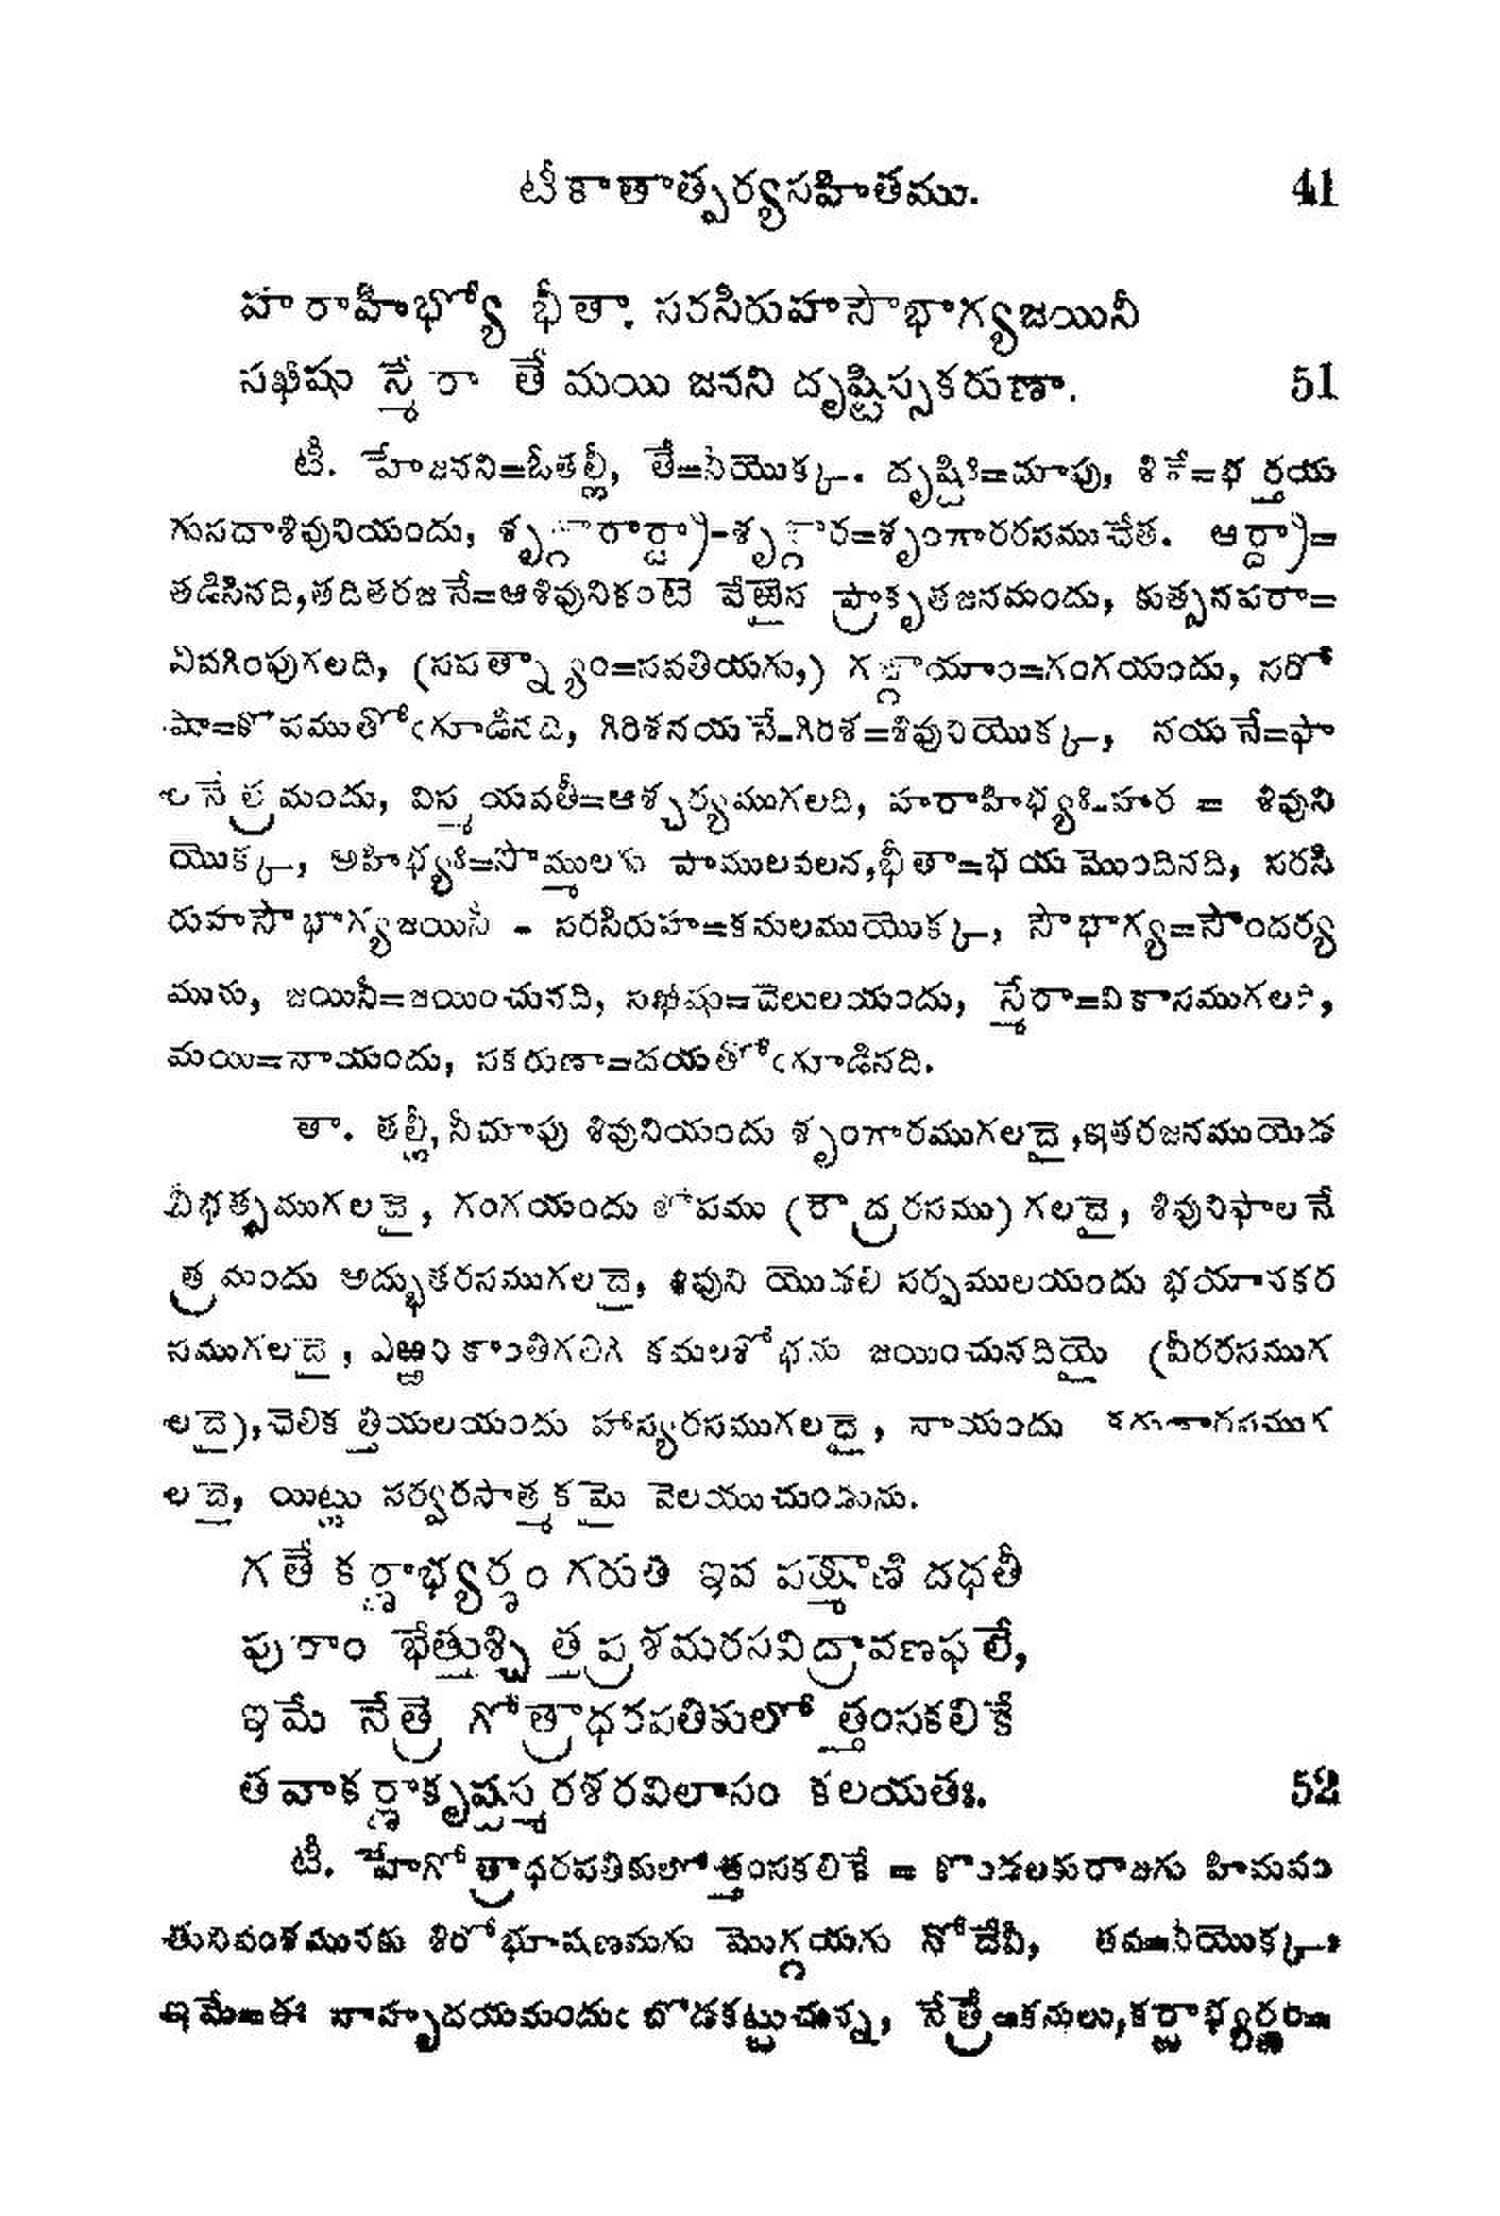హరాహిభ్యో భీతా సరసిరుహసౌభాగ్యజయినీ
సఖీషు స్మేరా తే మయి జనని దృష్టిస్సకరుణా.    51
టీ. హేజనని = ఓతల్లీ, తే = నీయొక్క, దృష్టిః = చూపు, శివే = భర్తయగుసదాశివునియందు, శృఙ్గారార్ద్రా-శృఙ్గార = శృంగారరసముచేత, ఆర్ద్రా = తడిసినది, తదితరజనే = ఆశివునికంటె వేఱైన ప్రాకృతజనమందు, కుత్సనపరా = ఏవగింపుగలది, (సపత్న్యాం = సవతియగు,) గఙ్గాయాం = గంగయందు, సరోషా = కోపముతోఁగూడినది, గిరిశనయనే-గిరిశ = శివునియొక్క, నయనే = ఫాలనేత్రమందు, విస్మయవతీ = ఆశ్చర్యముగలది, హరాహిభ్యః-హర = శివునియొక్క, అహిభ్యః = సొమ్ములగు పాములవలన, భీతా = భయమొందినది, సరసిరుహసౌభాగ్యజయినీ-సరసిరుహ = కమలముయొక్క, సౌభాగ్య = సౌందర్యమును, జయినీ = జయించునది, సఖీషు = చెలులయందు, స్మేరా = వికాసముగలది, మయి = నాయందు, సకరుణా = దయతోఁగూడినది.

తా. తల్లీ, నీచూపు శివునియందు శృంగారముగలదై, ఇతరజనముయెడ బీభత్సముగలదై, గంగయందు కోపము (రౌద్రరసము) గలదై, శివునిఫాలనేత్రమందు అద్భుతరసముగలదై, శివుని యొడలి సర్పములయందు భయానకరసముగలదై, ఎఱ్ఱని కాంతిగలిగి కమలశోభను జయించునదియై (వీరరసముగలదై), చెలికత్తియలయందు హాస్యరసముగలదై, నాయందు కరుణారసముగలదై, యిట్లు సర్వరసాత్మకమై వెలయుచుండును.

గతే కర్ణాభ్యర్ణం గరుతి ఇవ పక్ష్మాణి దధతీ
పురాం భేత్తుశ్చిత్తప్రశమరసవిద్రావణఫలే,
ఇమే నేత్రే గోత్రాధరపతికులోత్తంసకలికే
తవాకర్ణాకృష్టస్మరశరవిలాసం కలయతః.      52
టీ. హేగోత్రాధరపతికులోత్తంసకలికే = కొండలకురాజగు హిమవంతునివంశమునకు శిరోభూషణమగు మొగ్గయగు నోదేవీ, తవ = నీయొక్క, ఇమే = ఈ నాహృదయమందుఁ బొడకట్టుచున్న, నేత్రే = కనులు, కర్ణాభ్యర్ణం =